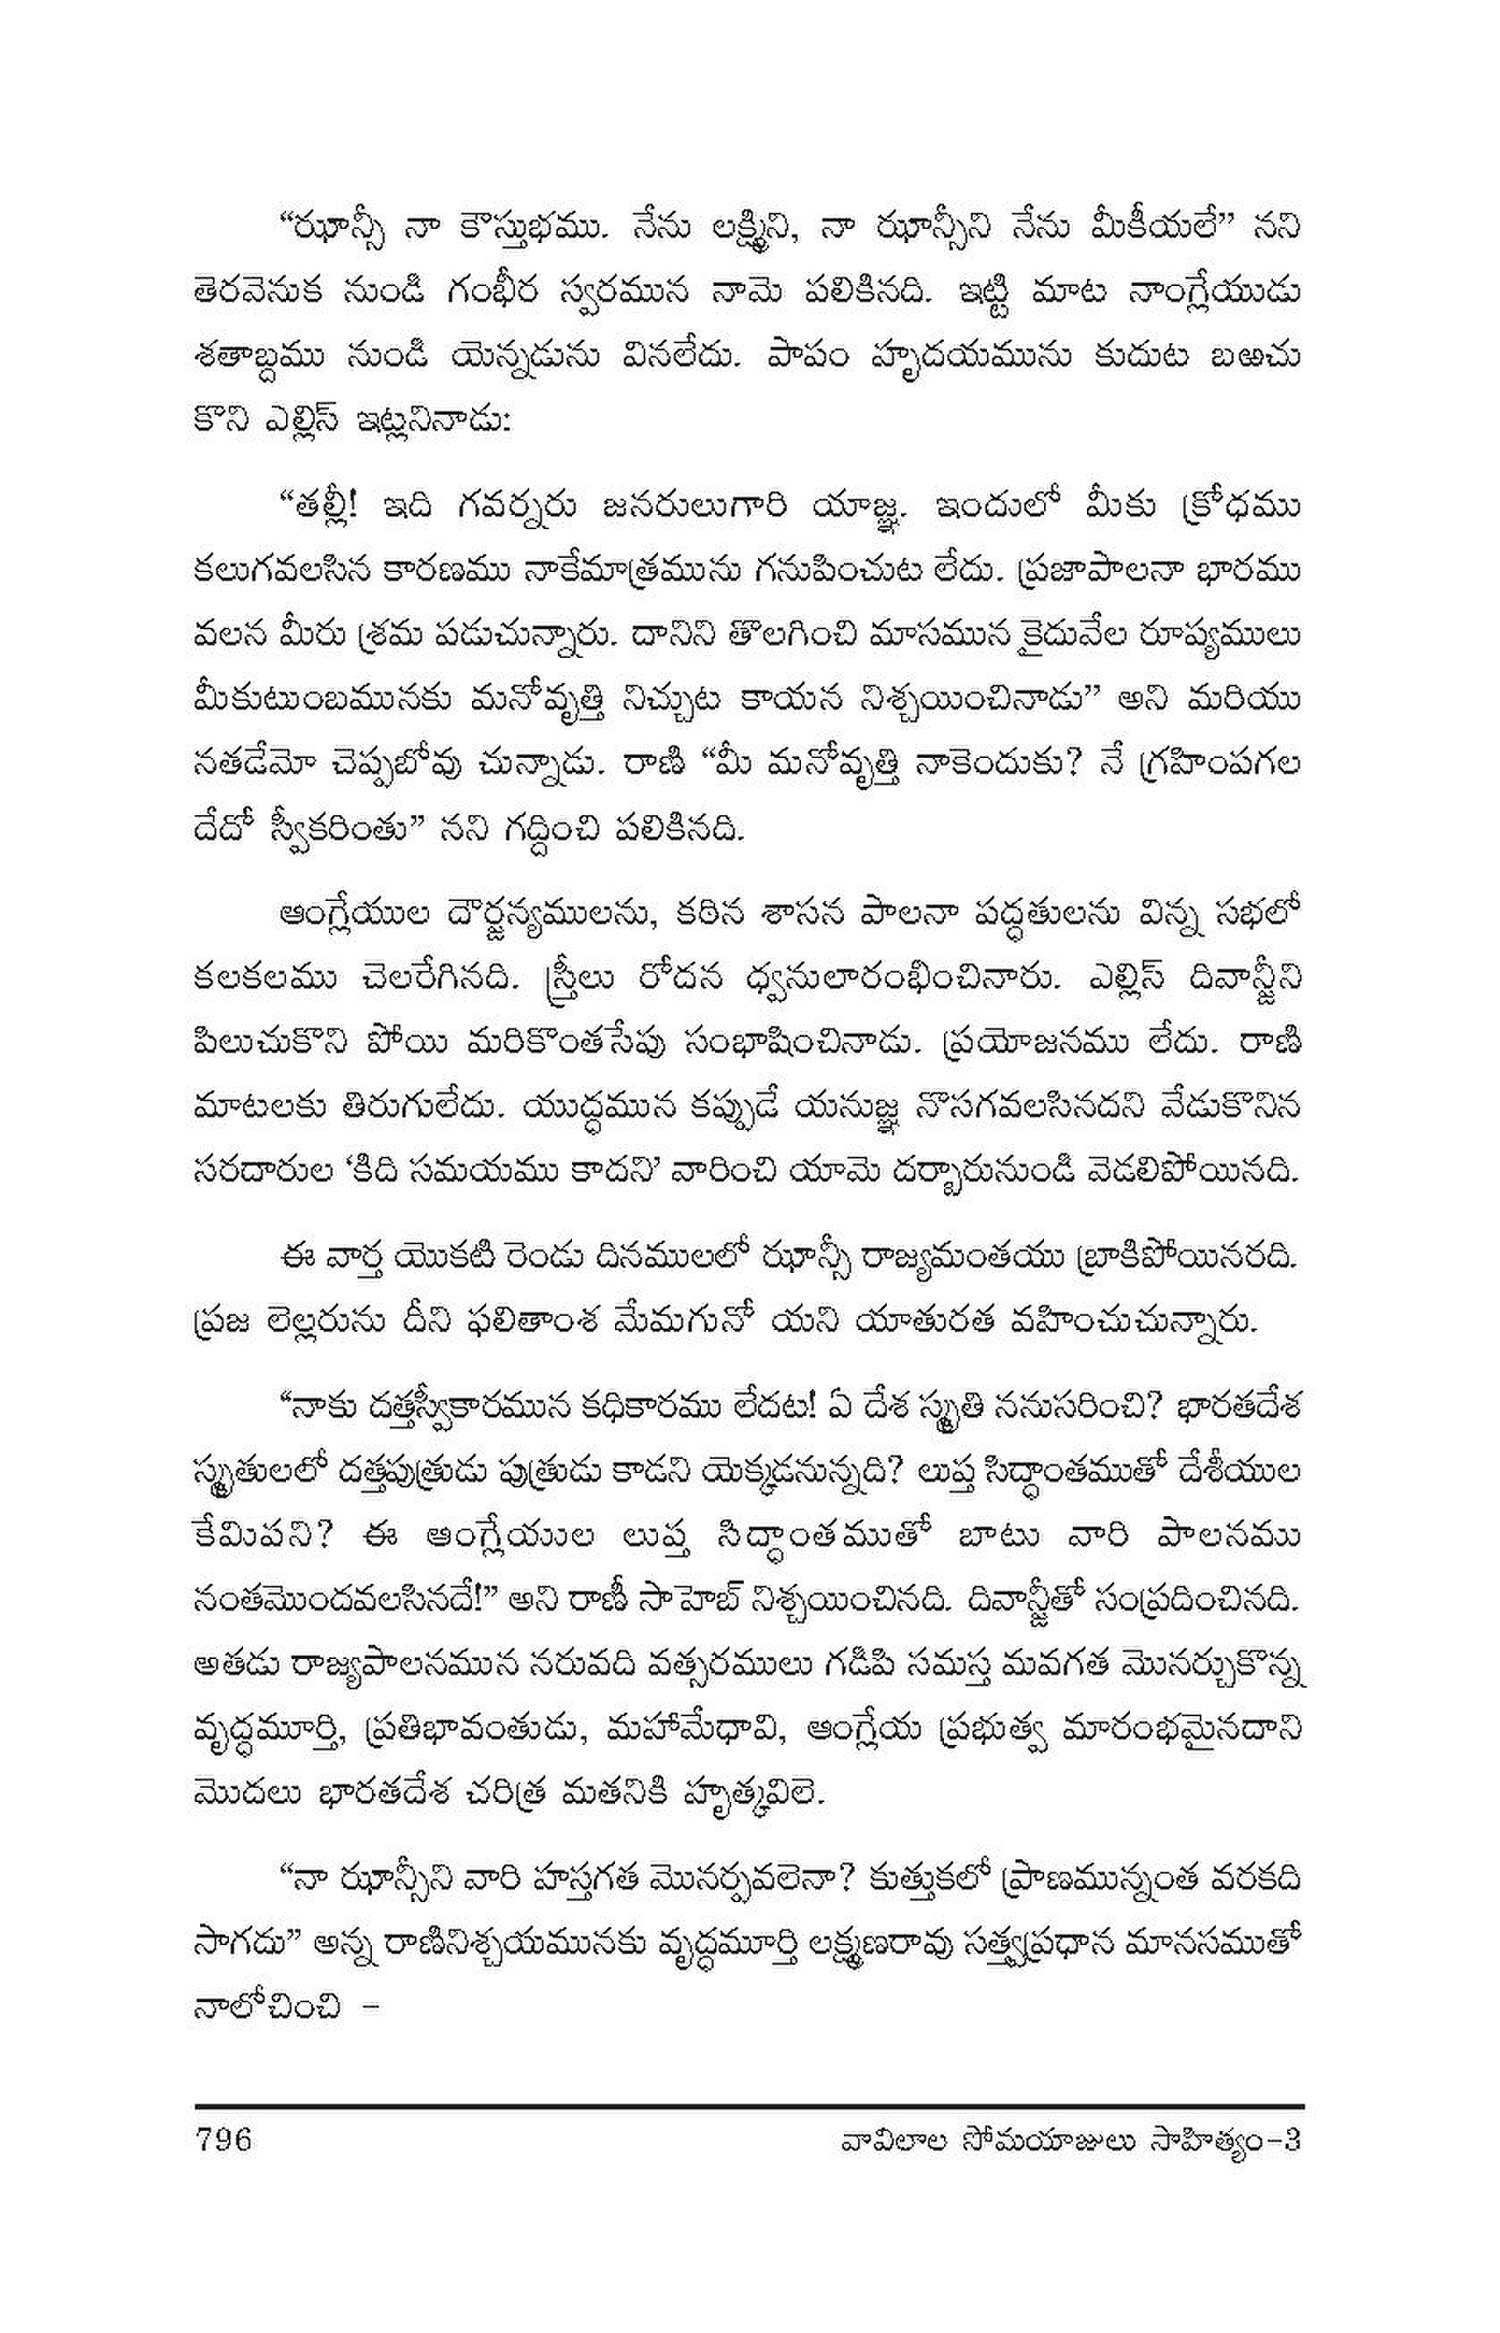"ఝాన్సీ నా కౌస్తుభము. నేను లక్ష్మిని, నా ఝాన్సీని నేను మీకీయలే" నని తెరవెనుక నుండి గంభీర స్వరమున నామె పలికినది. ఇట్టి మాట నాంగ్లేయుడు శతాబ్దము నుండి యెన్నడును వినలేదు. పాపం హృదయమును కుదుట బఱచు కొని ఎల్లిస్ ఇట్లనినాడు:

"తల్లీ! ఇది గవర్నరు జనరులుగారి యాజ్ఞ. ఇందులో మీకు క్రోధము కలుగవలసిన కారణము నాకేమాత్రమును గనుపించుట లేదు. ప్రజాపాలనా భారము వలన మీరు శ్రమ పడుచున్నారు. దానిని తొలగించి మాసమున కైదువేల రూప్యములు మీకుటుంబమునకు మనోవృత్తి నిచ్చుట కాయన నిశ్చయించినాడు" అని మరియు నతడేమో చెప్పబోవు చున్నాడు. రాణి "మీ మనోవృత్తి నాకెందుకు? నే గ్రహింపగల దేదో స్వీకరింతు" నని గద్దించి పలికినది.

ఆంగ్లేయుల దౌర్జన్యములను, కఠిన శాసన పాలనా పద్ధతులను విన్న సభలో కలకలము చెలరేగినది. స్త్రీలు రోదన ధ్వనులారంభించినారు. ఎల్లిస్ దివాన్జీని పిలుచుకొని పోయి మరికొంతసేపు సంభాషించినాడు. ప్రయోజనము లేదు. రాణి మాటలకు తిరుగులేదు. యుద్ధమున కప్పుడే యనుజ్ఞ నొసగవలసినదని వేడుకొనిన సరదారులు 'కిది సమయము కాదని' వారించి యామె దర్బారునుండి వెడలిపోయినది.

ఈ వార్త యొకటి రెండు దినములలో ఝాన్సీ రాజ్యమంతయు బ్రాకిపోయినంది. ప్రజ లెల్లరును దీని ఫలితాంశ మేమగునో యని యాతురత వహించుచున్నారు.

“నాకు దత్తస్వీకారమున కధికారము లేదట! ఏ దేశ స్మృతి ననుసరించి? భారతదేశ స్మృతులలో దత్తపుత్రుడు పుత్రుడు కాడని యెక్కడనున్నది? లుప్త సిద్ధాంతముతో దేశీయులు కేమిపని? ఈ ఆంగ్లేయుల లుప్త సిద్ధాంతముతో బాటు వారి పాలనము నంతమొందవలసినదే!” అని రాణీ సాహెబ్ నిశ్చయించినది. దివాన్జీతో సంప్రదించినది. అతడు రాజ్యపాలనమున నరువది వత్సరములు గడిపి సమస్త మవగత మొనర్చుకొన్న వృద్ధమూర్తి, ప్రతిభావంతుడు, మహామేధావి, ఆంగ్లేయ ప్రభుత్వ మారంభమైనదాని మొదలు భారతదేశ చరిత్ర మతనికి హృత్కవిలె.

“నా ఝాన్సీని వారి హస్తగత మొనర్పవలెనా? కుత్తుకలో ప్రాణమున్నంత వరకది సాగదు" అన్న రాణినిశ్చయమునకు వృద్ధమూర్తి లక్ష్మణరావు సత్వప్రధాన మానసముతో నాలోచించి